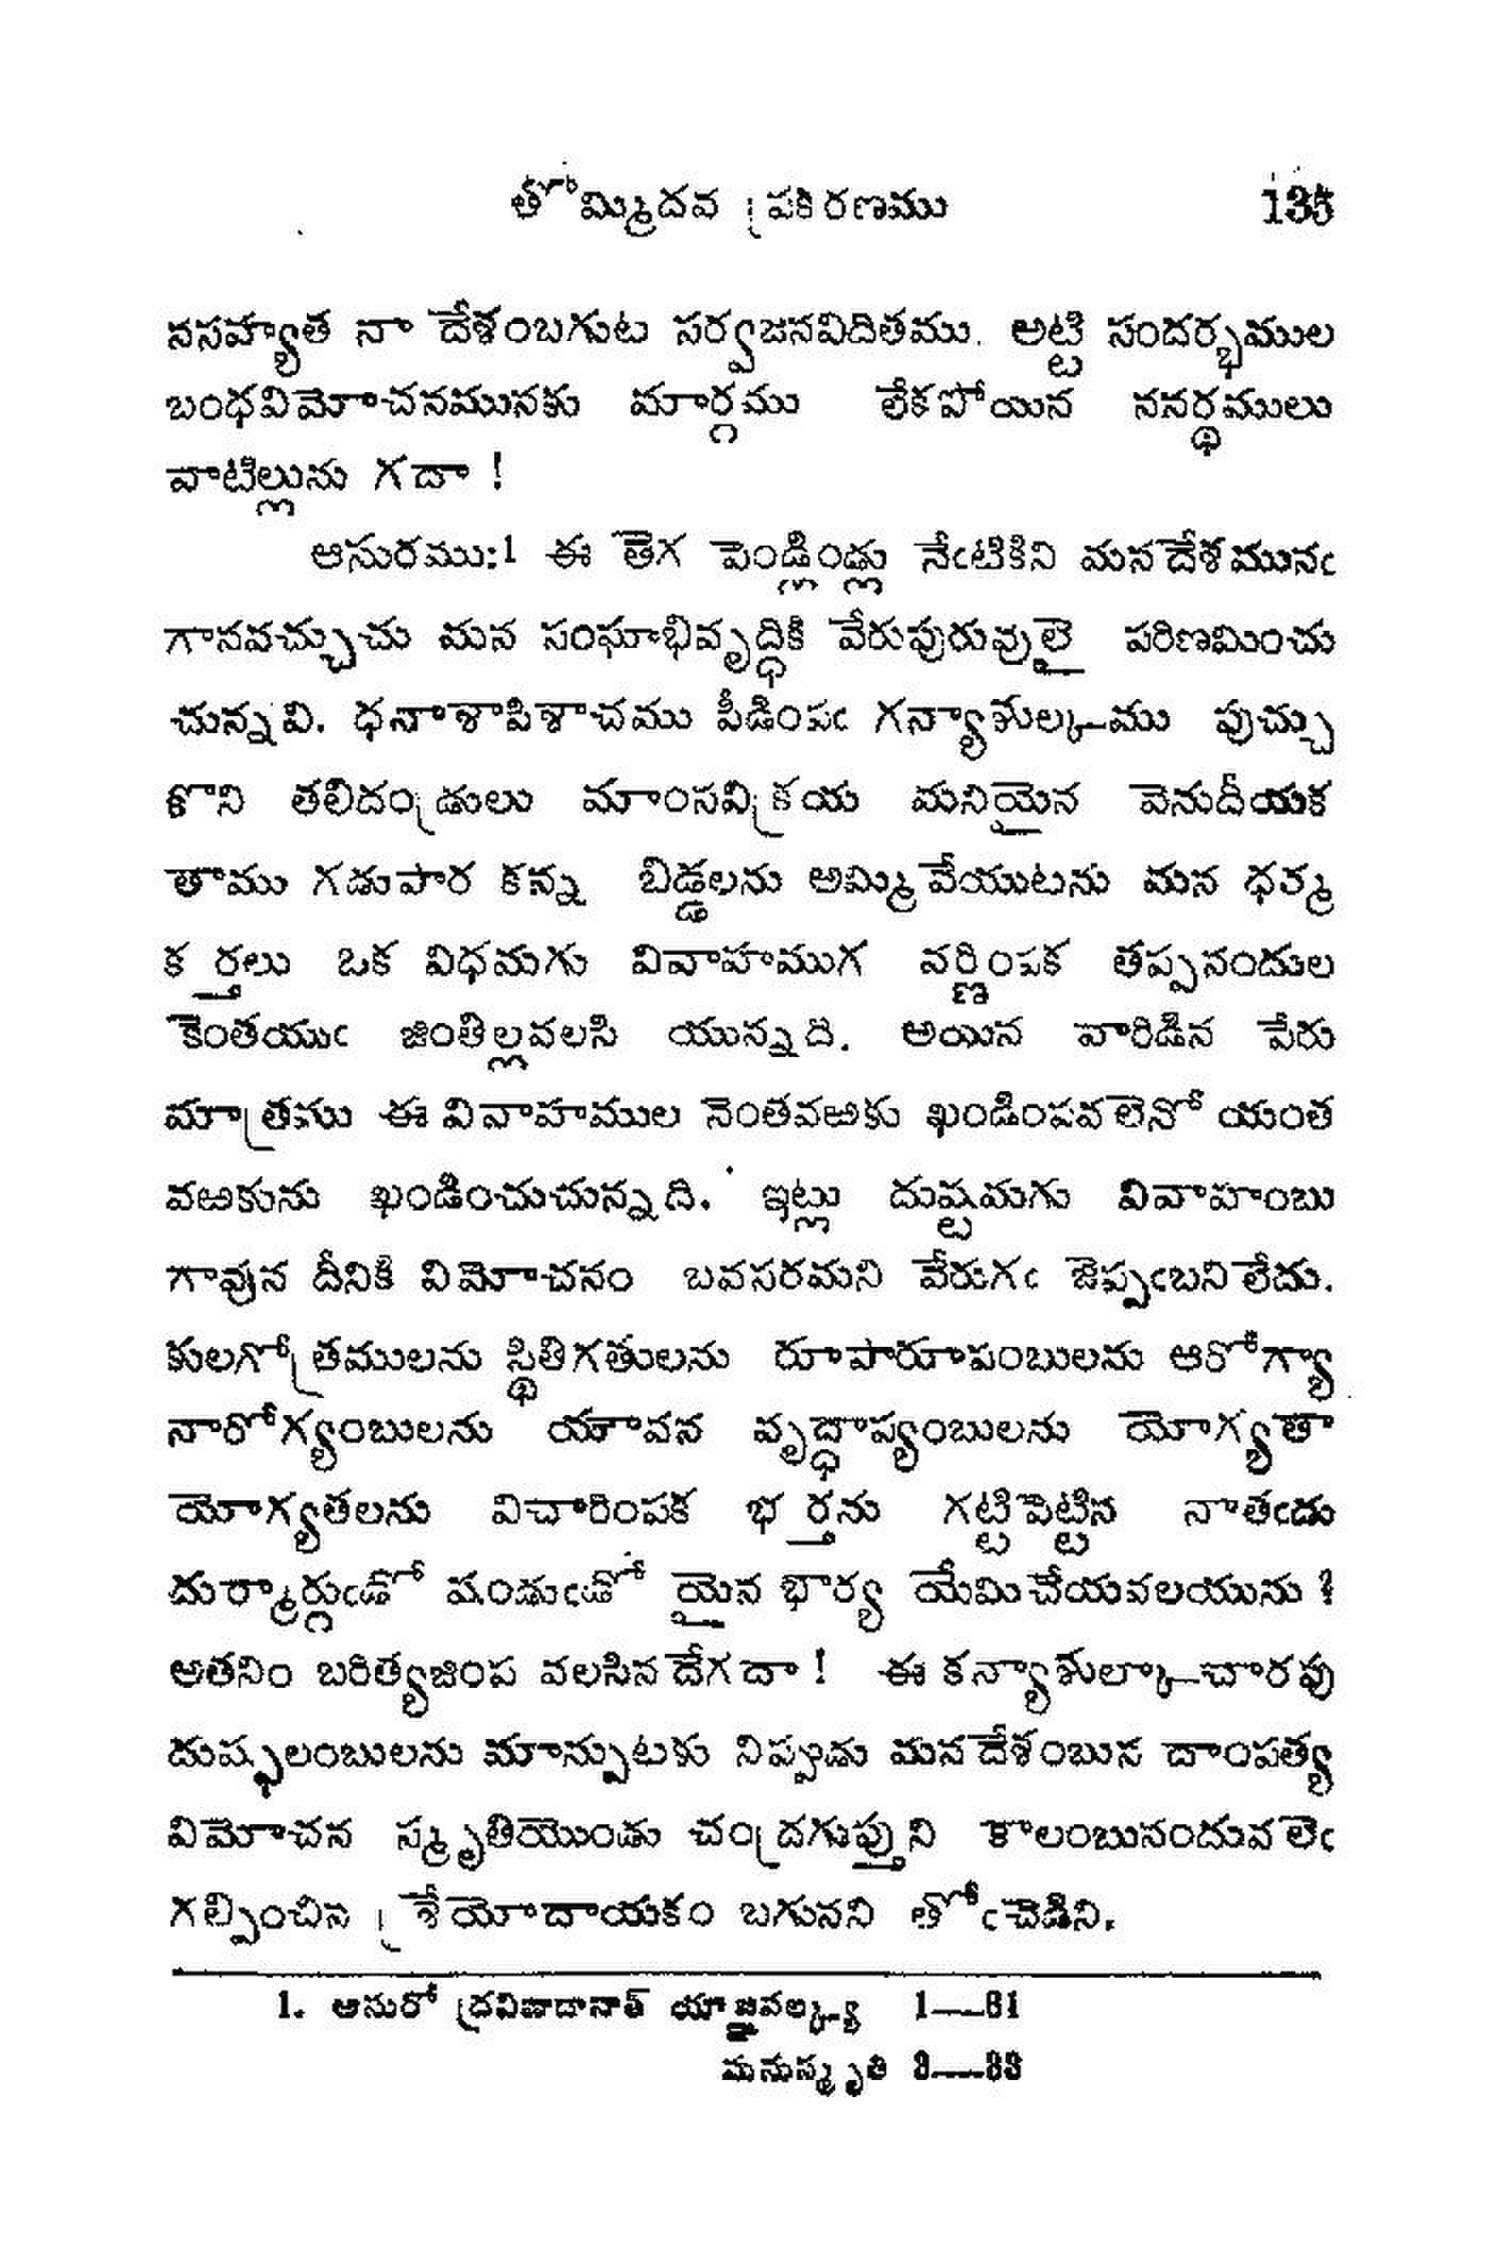నసహ్యత నా దేశంబగుట సర్వజనవిదితము. అట్టి సందర్భముల బంధవిమోచనమునకు మార్గము లేకపోయిన ననర్థములు వాటిల్లును గదా!

ఆసురము:1 ఈ తెగ పెండిండ్లు నేఁటికిని మనదేశమునఁ గానవచ్చుచు మన సంఘాభివృద్ధికి వేరుపురువులై పరిణమించు చున్నవి. ధనాశాపిశాచము పీడింపఁ గన్యాశుల్కము పుచ్చుకొని తలిదండ్రులు మాంసవిక్రయ మనియైన వెనుదీయక తాము గడుపార కన్న బిడ్డలను అమ్మివేయుటను మన ధర్మకర్తలు ఒక విధమగు వివాహముగ వర్ణింపక తప్పనందుల కెంతయుఁ జింతిల్లవలసి యున్నది. అయిన వారిడిన పేరు మాత్రము ఈ వినాహముల నెంతవఱకు ఖండింపవలెనో యంతవఱకును ఖండించుచున్నది. ఇట్లు దుష్టమగు వివాహంబు గావున దీనికి విమోచనం బవసరమని వేరుగఁ జెప్పఁబనిలేదు. కులగోత్రములను స్థితిగతులను రూపారూపంబులను ఆరోగ్యా నారోగ్యంబులను యౌవన వృద్దాప్యంబులను యోగ్యతా యోగ్యతలను విచారింపక భర్తను గట్టిపెట్టిన నాతఁడు దుర్మార్గుఁడో షండుఁడో యైన భార్య యేమిచేయవలయును? అతనిం బరిత్యజింప వలసినదేగదా! ఈ కన్యాశుల్కాచారపు దుష్ఫలంబులను మాన్పుటకు నిప్పుడు మనదేశంబుస దాంపత్య విమోచన స్మృతియొండు చంద్రగుప్తుని కాలంబునందువలెఁ గల్పించిన శ్రేయోదాయకం బగునని తోఁచెడిని.